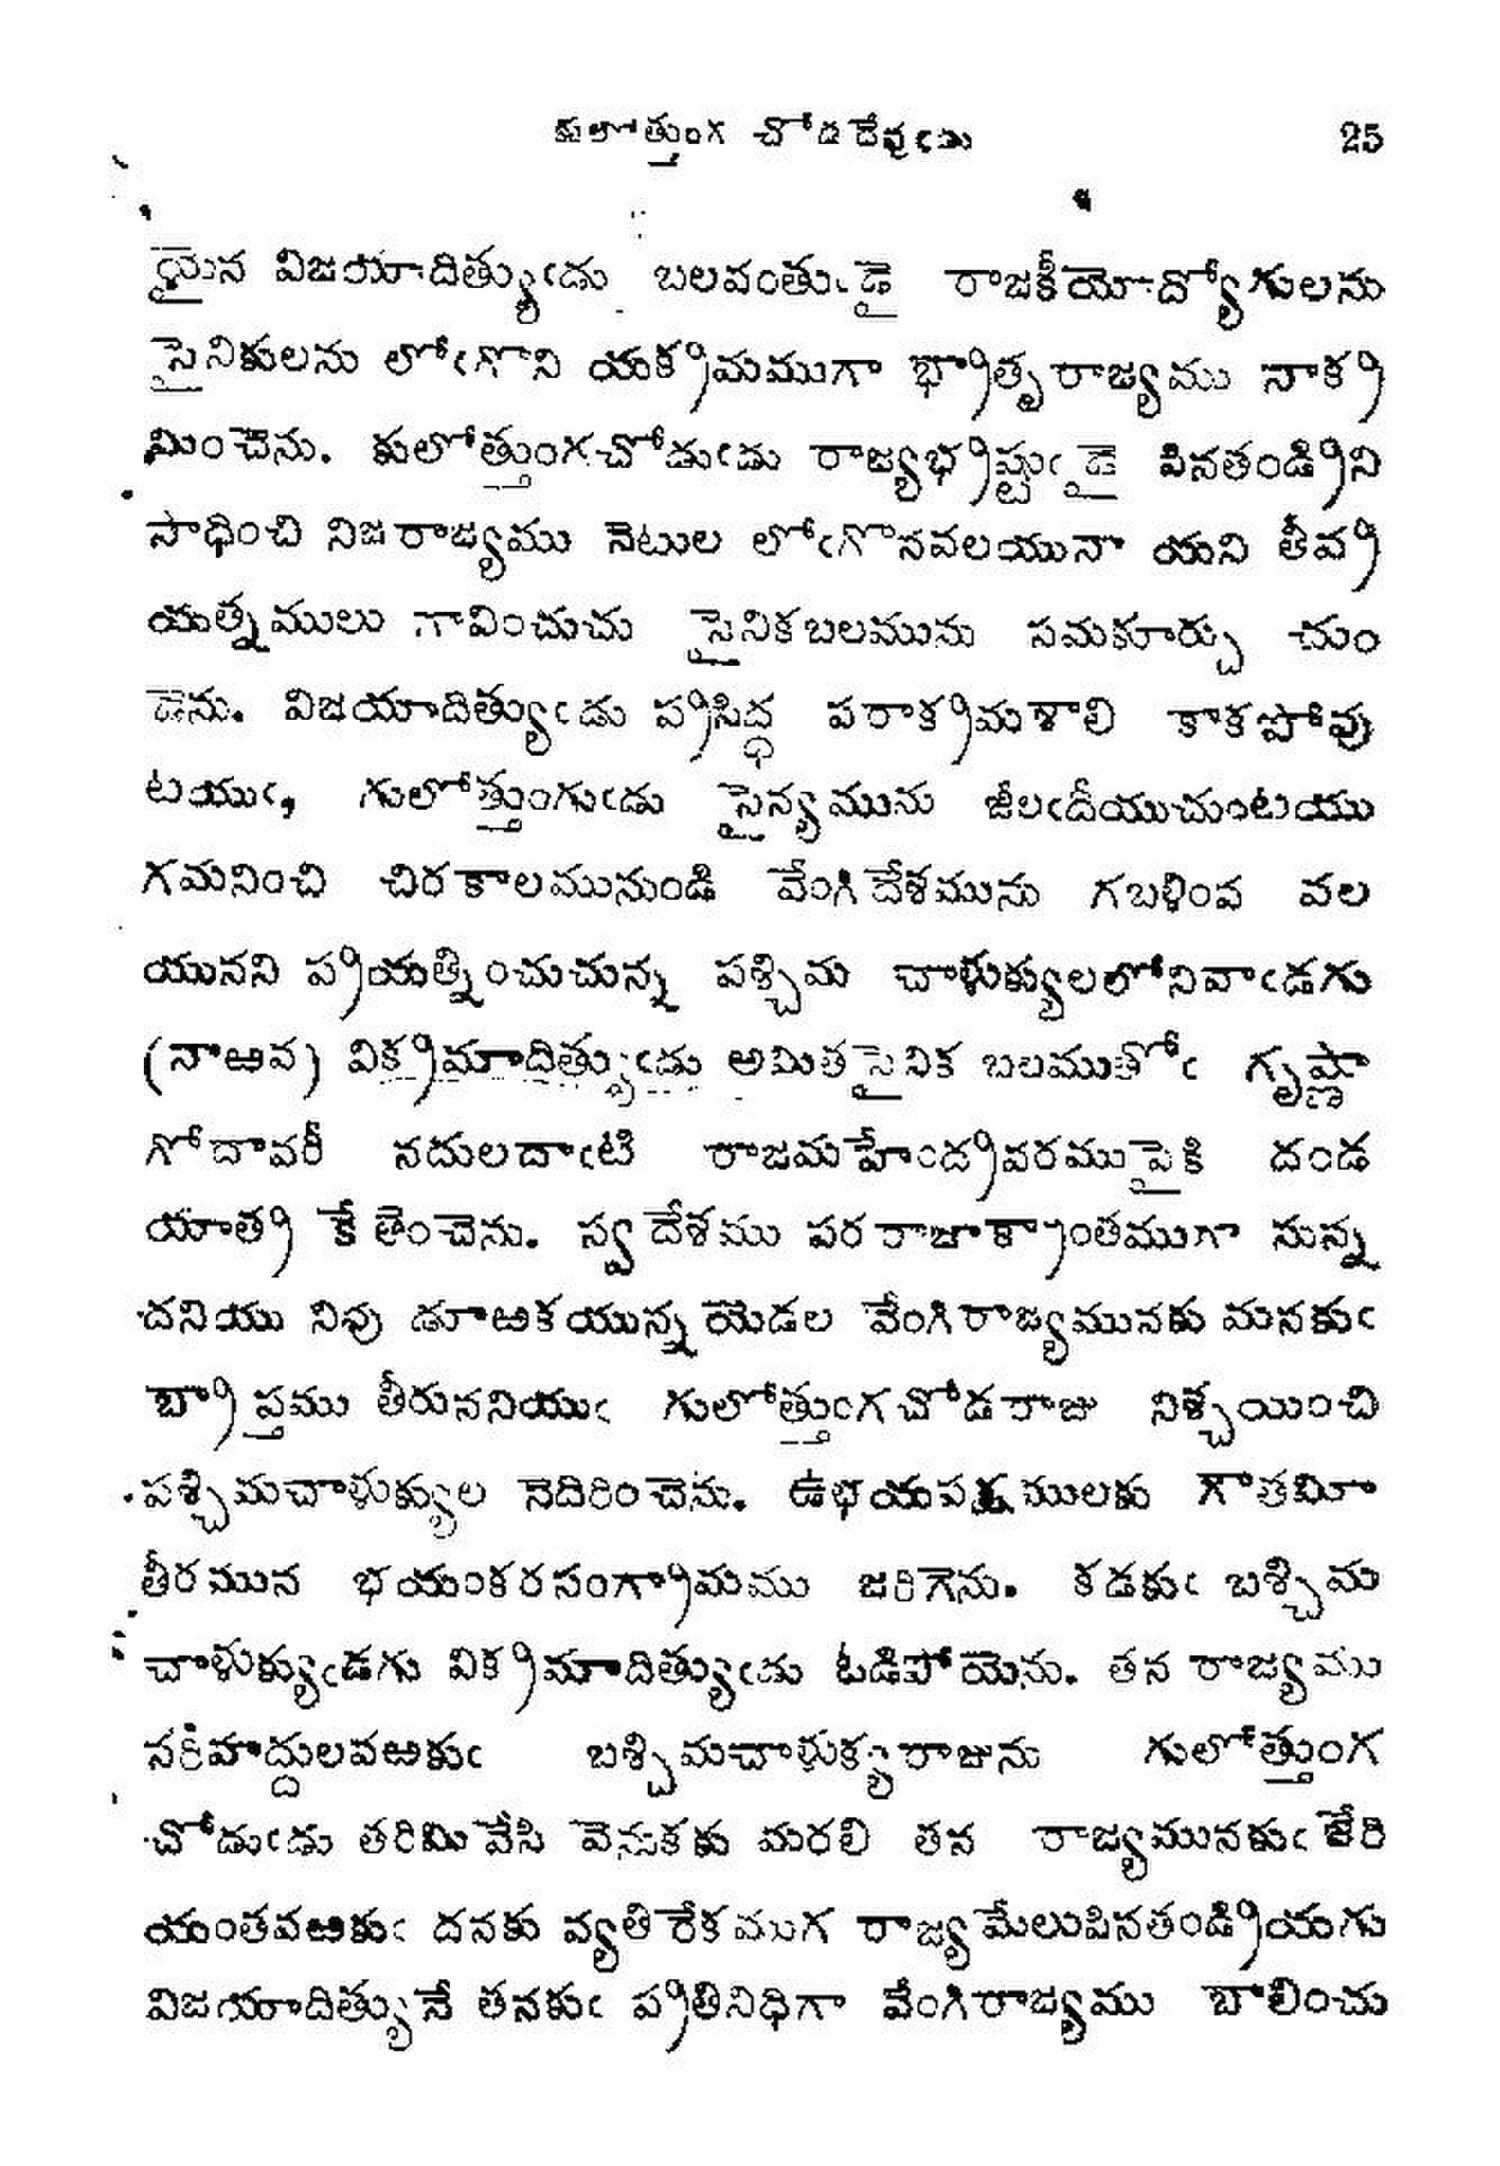యైన విజయాదిత్యుడు బలవంతుడై రాజకీయోద్యోగులను సైనికులను లోగొని యక్రమముగా భ్రాతృరాజ్యము నాక్రమించెను. కులోత్తుంగచోడుడు రాజ్యభ్రష్టుడై పినతండ్రిని సాధించి నిజ రాజ్యము నెటుల లోగొనవలయునా యని తీవ్ర యత్నములు గావించుచు సైనికబలమును సమకూర్చు చుండెను. విజయాదిత్యుడు ప్రసిద్ధ పరాక్రమశాలి కాకపోవుటయు, గులోత్తుంగుడు సైన్యమును జీలదీయుచుంటయు గమనించి చిరకాలమునుండి వేంగిదేశమును గబళింప వలయునని ప్రయత్నించుచున్న పశ్చిమ చాళుక్యులలోనివాడగు (నాఱవ) విక్రమాదిత్యుడు అమితసైనిక బలముతో గృష్ణా గోదావరీ నదులదాటి రాజమహేంద్రవరముపైకి దండయాత్ర కేతెంచెను. స్వదేశము పర రాజాక్రాంతముగా నున్న చనియు నిపు డూఱకయున్నయెడల వేంగిరాజ్యమునకు మనకు బ్రాప్తము తీరుననియు గులోత్తుంగచోడరాజు నిశ్చయించి పశ్చిమచాళుక్యుల నెదిరించెను. ఉభయపక్షములకు గౌతమీ తీరమున భయంకరసంగ్రామము జరిగెను. కడకు బశ్చిమ చాళుక్యుడగు విక్రమాదిత్యుడు ఓడిపోయెను. తన రాజ్యము సరిహద్దులవఱకు బశ్చిమచాళుక్యరాజును గులోత్తుంగచోడుడు తరిమి వేసి వెనుకకు మరలి తన రాజ్యమునకు జేరి యంతవఱకు దనకు వ్యతిరేకముగ రాజ్యమేలుపినతండ్రియగు విజయాదిత్యునే తనకు ప్రతినిధిగా వేంగిరాజ్యము బాలించు